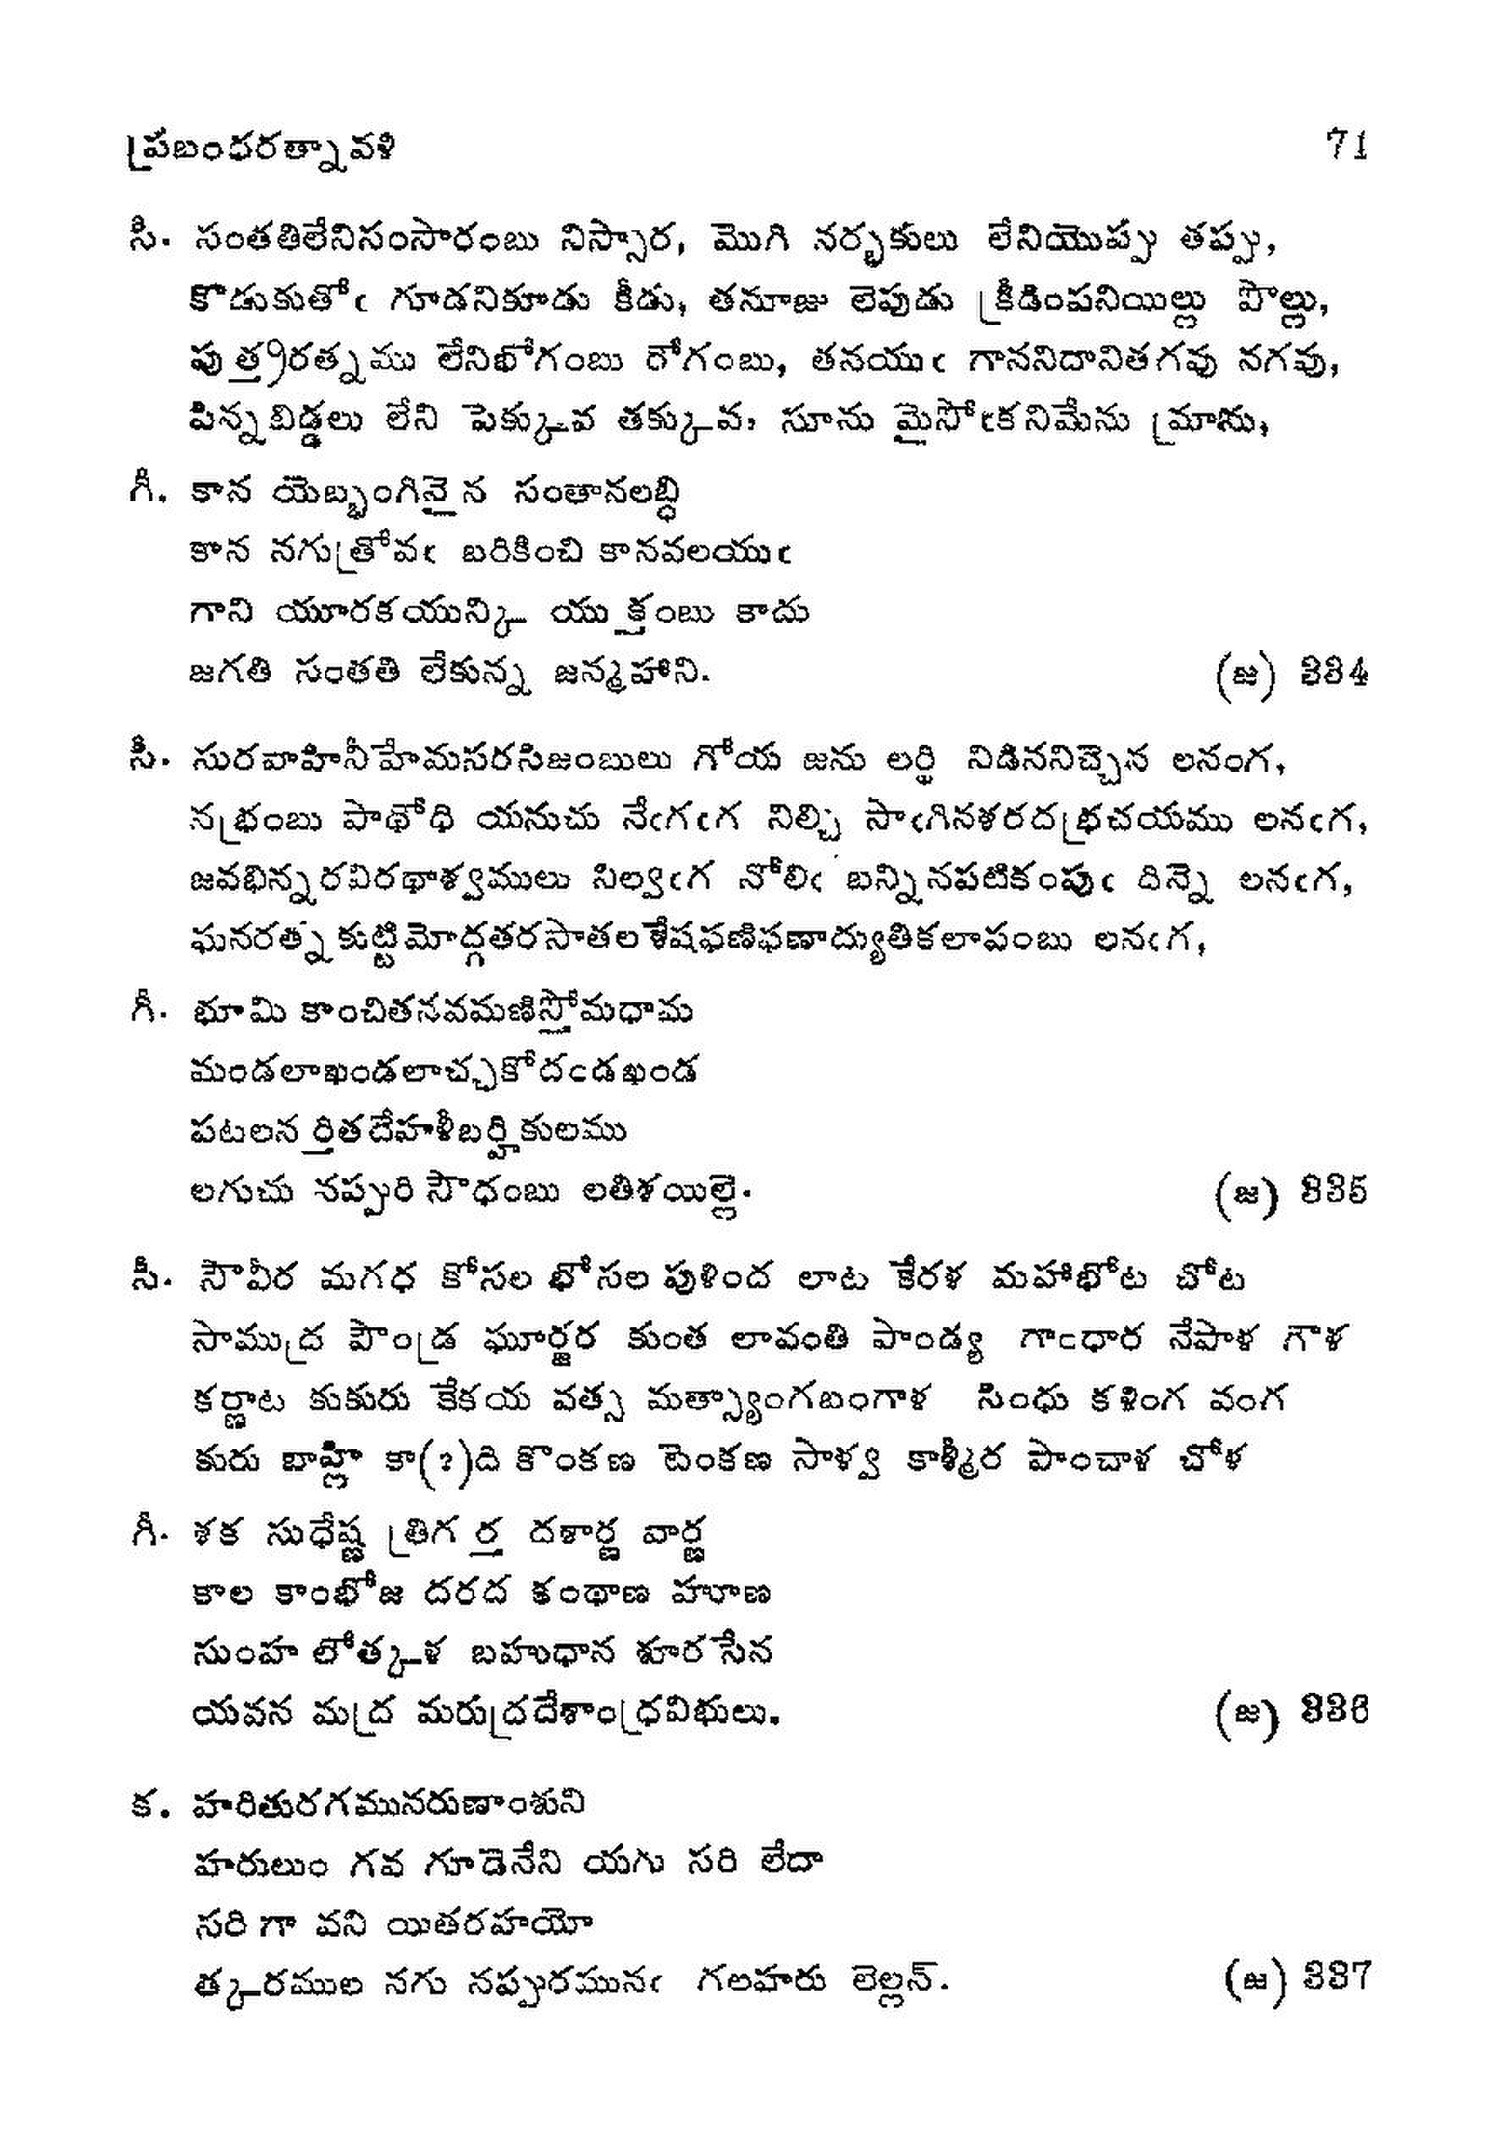సీ. సంతతి లేని సంసారంబు నిస్సార మొగి నర్భకులు లేని యొప్పు తప్పు
కొడుకుతోఁ గూడని కూడు గీడు తనూజు లెపుడు క్రీడింపని యిల్లు పొల్లు
పుత్త్రరత్నము లేని భోగంబు రోగంబు తనయుఁ గానని దాని తగవు నగవు
పిన్నబిడ్డలు లేని పెక్కువ తక్కువ సూను మైసోఁకని మేను మ్రాను
తే. కాన యెబ్భంగినైన సంతానలబ్ధి
కాననగు త్రోవఁ బరికించి కానవలయుఁ
గాని యూరక యున్కి యుక్తంబు కాదు
జగతి సంతతి లేకున్న జన్మహాని. (జ) 334

సీ. సురవాహినీ హేమసరసిజమ్ములు గోయ జను లర్థి నిడిన నిచ్చెన లనంగ
నభ్రంబు పాథోధి యనుచు నెఁగఁగ నిల్చి సాగిన శరదభ్రచయము లనఁగ
జవభిన్నరవిరథాశ్వములు నిల్వఁగ నోలిఁ బన్నిన పటికంపుఁ దిన్నె లనఁగ
ఘనరత్నకుట్టిమోద్గతరసాతలశేష ఫణిఫణాద్యుతికలాపంబు లనఁగ
గీ. భూమి కాంచిత నవమణిస్తోమ ధామ
మండలాఖండలాచ్ఛకోదండఖండ
పటల నర్తిత దేహళీబర్హికులము
లగుచు నప్పురి సౌధంబు లతిశయిల్లె. (జ) 335

సీ. సౌవీర మగధ కోసల భోసల పుళింద లాట కేరళ మహాభోట చోట
సాముద్ర పౌండ్ర ఘూర్జర కుంత లావంతి పాండ్య గాంధార నేపాళ గౌళ
కర్ణాటక కురు కేకయ వత్స మత్స్యాంగ బంగాళ సింధు కళింగ వంగ
కురు బాహ్లికా[?]ది కొంకణ టెంకణ సాళ్వ కాశ్మీర పాంచాళ చోళ
గీ. శక సుధేష్ణ త్రిగర్త దశార్ణ వార్ణ
కాల కాంభోజ దరద కంథాణ హూణ
సింహలోత్కళ బహుధాన శూరసేన
యవన మద్ర మరుద్రదేశాంధ్రవిభులు. (జ) 336

క. హరితురగము నరుణాంశుని
హరులుం గవగూడెనేని యగు సరి లేదా
సరి గావని యితర హయో
త్కరములనగు నప్పురమునఁ గల హరులెల్లన్. (జ) 337